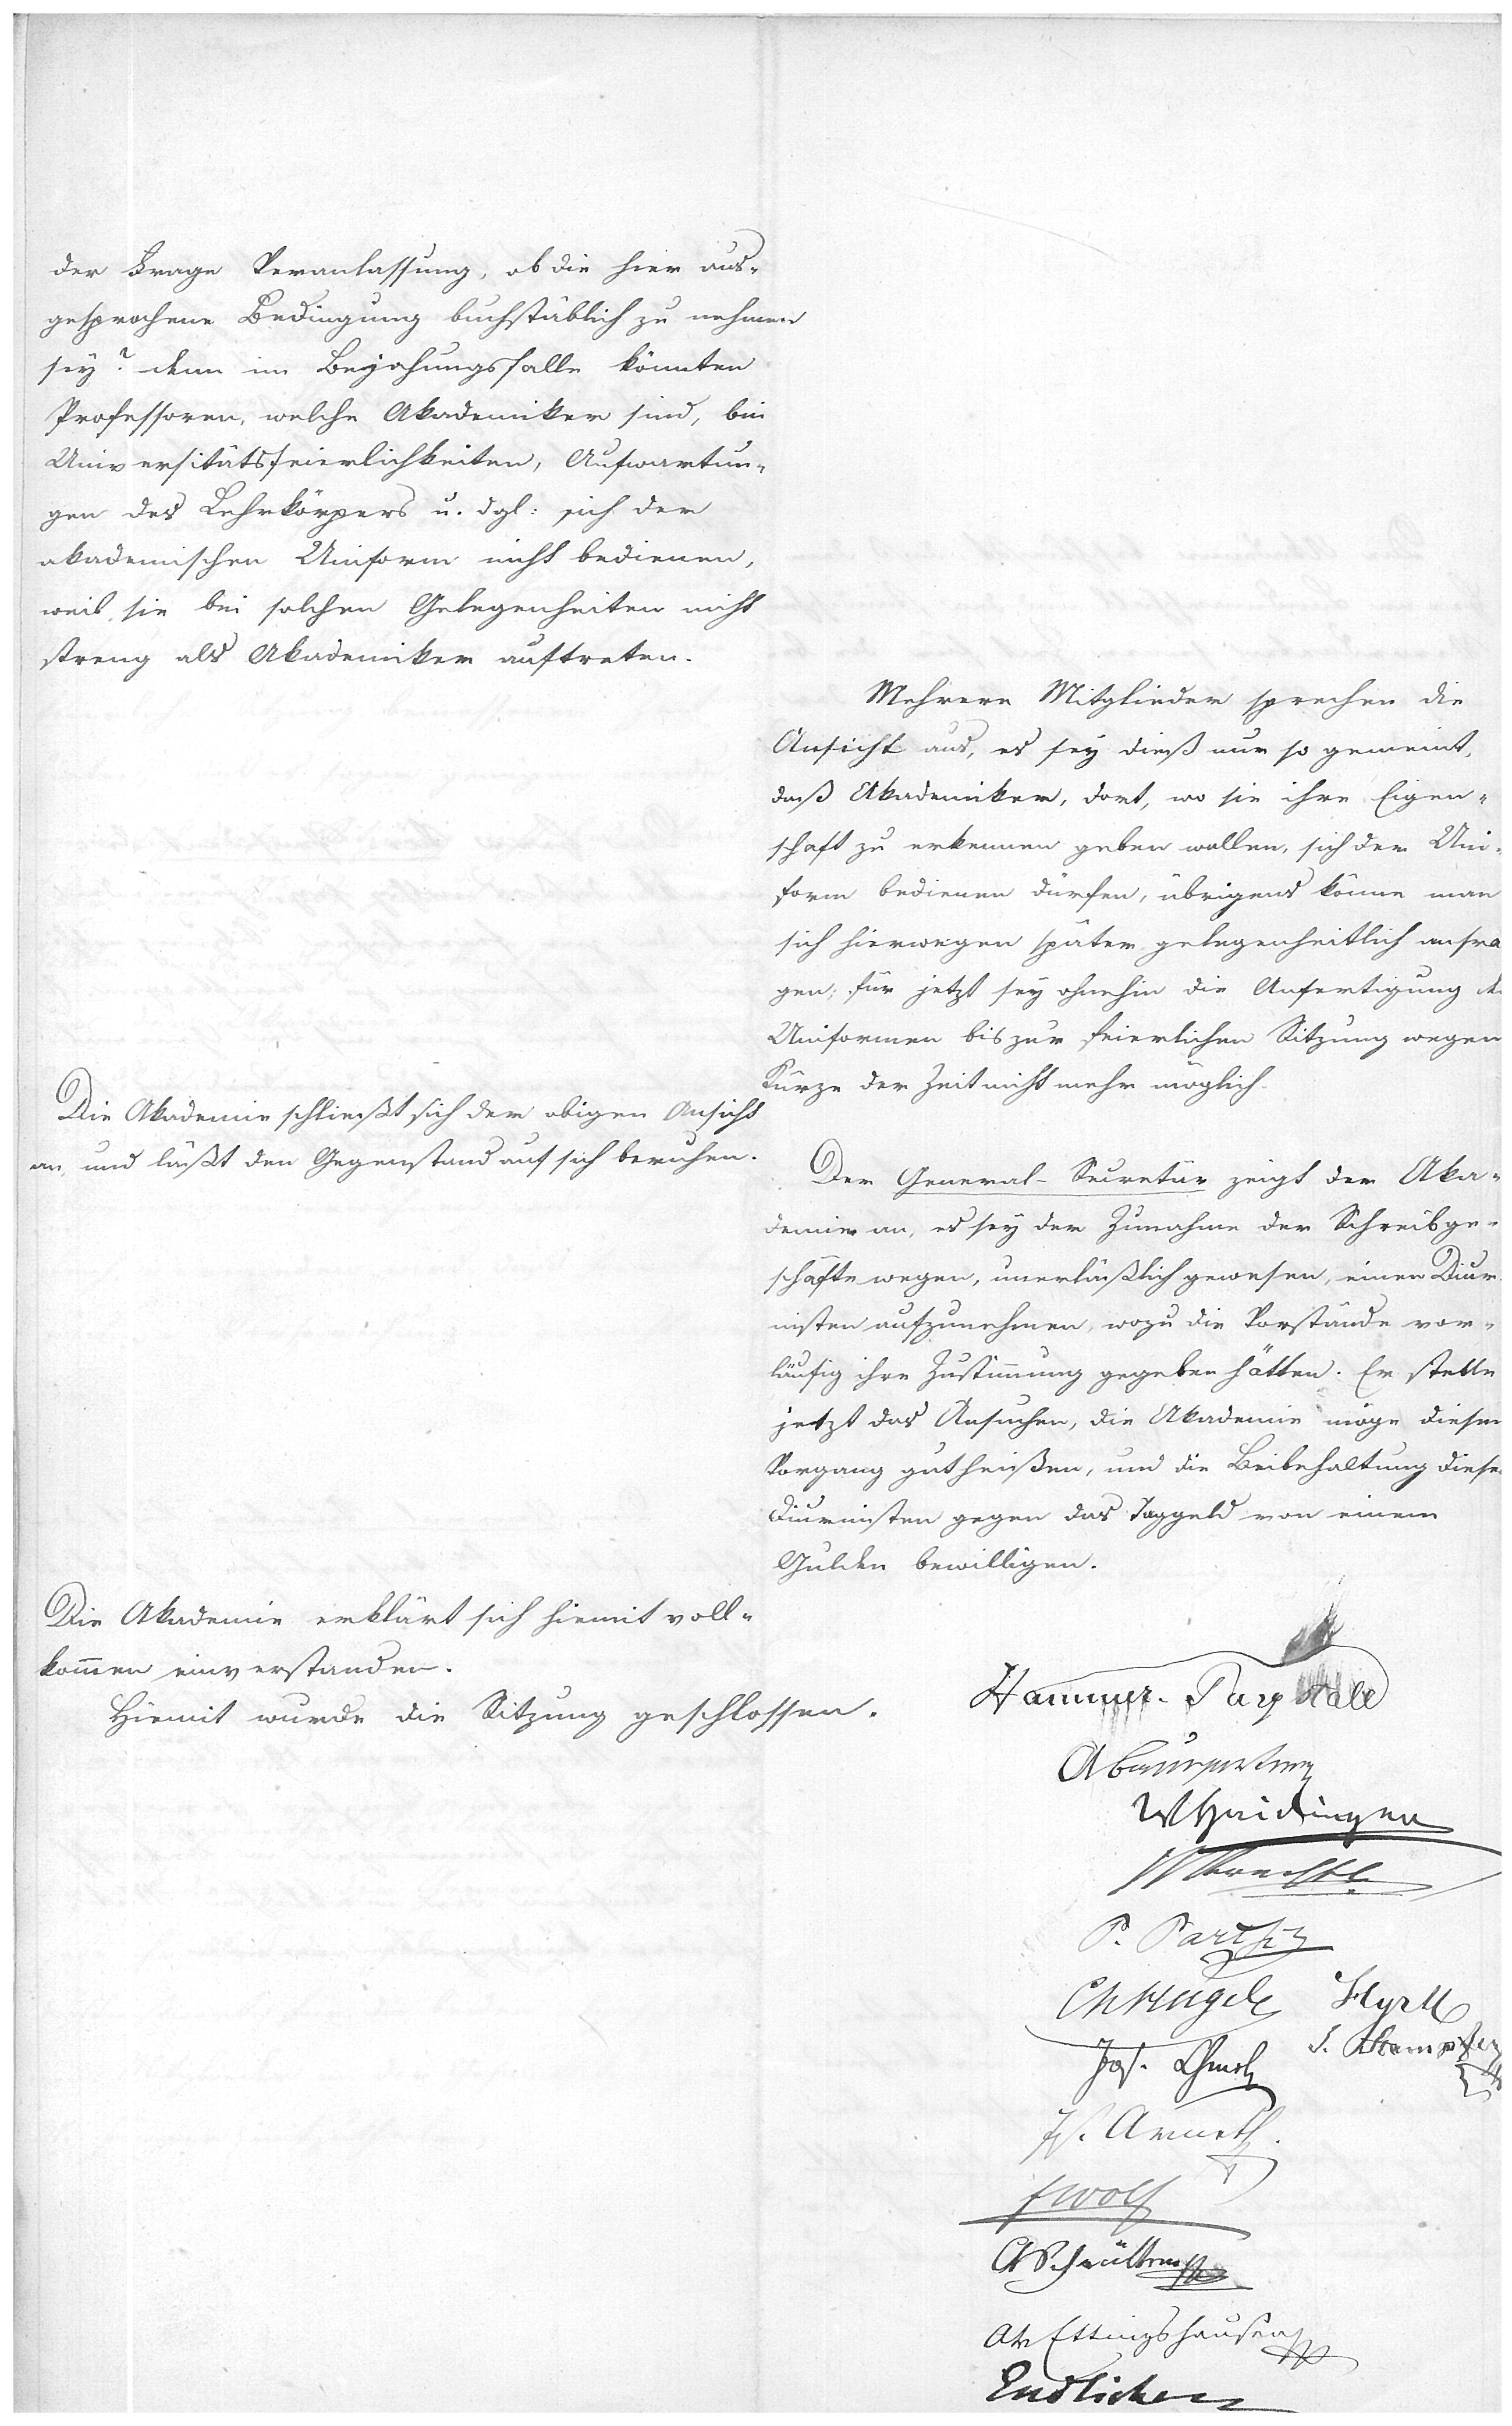der Frage Veranlassung, ob die hier aus-
gesprochene Bedingung buchstäblich zu nehmen
sey? Denn im Bejahungsfalls könnten
Professoren, welche Akademiker sind, bei
Universitätsfeierlichkeite, Aufwartun-
gen des Lehrkörpers u. dgl. sich der
akademischen Uniform nicht bedienen,
weil sie bei solchen Gelegenheiten nicht
streng als Akademiker auftreten.
Mehrere Mitglieder sprechen die
Ansicht aus, es sey dieß nur so gemeint,
daß Akademiner, dort, wo sie ihre Eigen-
schaft zu erkennen geben wollen, sich der Uni-
form bedienen dürfen, übrigens können man
sich hierwegen später gelegenheitlich aufma-
chen, für jetzt sey ohnehin die Anfertigung der
Uniformen bis zur feierlichen Sitzung wegen
Kürze der Zeit nicht mehr möglich.
Die Akademie schließt sich der obigen Ansicht
an und läßt den Gegenstand auf sich beruhen.
Der General-Secretär zeigt der Aka-
demie an, es sey der Zunahme der Schreibge-
schäfte wegen, unerläßlich gewesen, einen Diur-
nisten aufzunehmen, wozu die Vorstände vor-
läufig ihre Zustimmung gegeben hätten. Er stelle
jetzt das Ansuchen, die Akademie möge diesen
Vorgang gutheißen, und die Beibehaltung dieses
Diurnisten gegen das Taggeld von einem
Gulden bewilligen.
Die Akademie erklärt sich hiemit voll-
kommen einverstanden.
Hiermit wurde die Sitzung geschlossen
Hammer-Purgstall
ABaumgartner
WHaidinger
JJPrechtl
P. Partsch
CvHügel
Hyrtl
Jos. Chmel
S. Stampfer
Jv. Arneth
FWolf
ASchrötter
AvEttingshausen
Endlicher